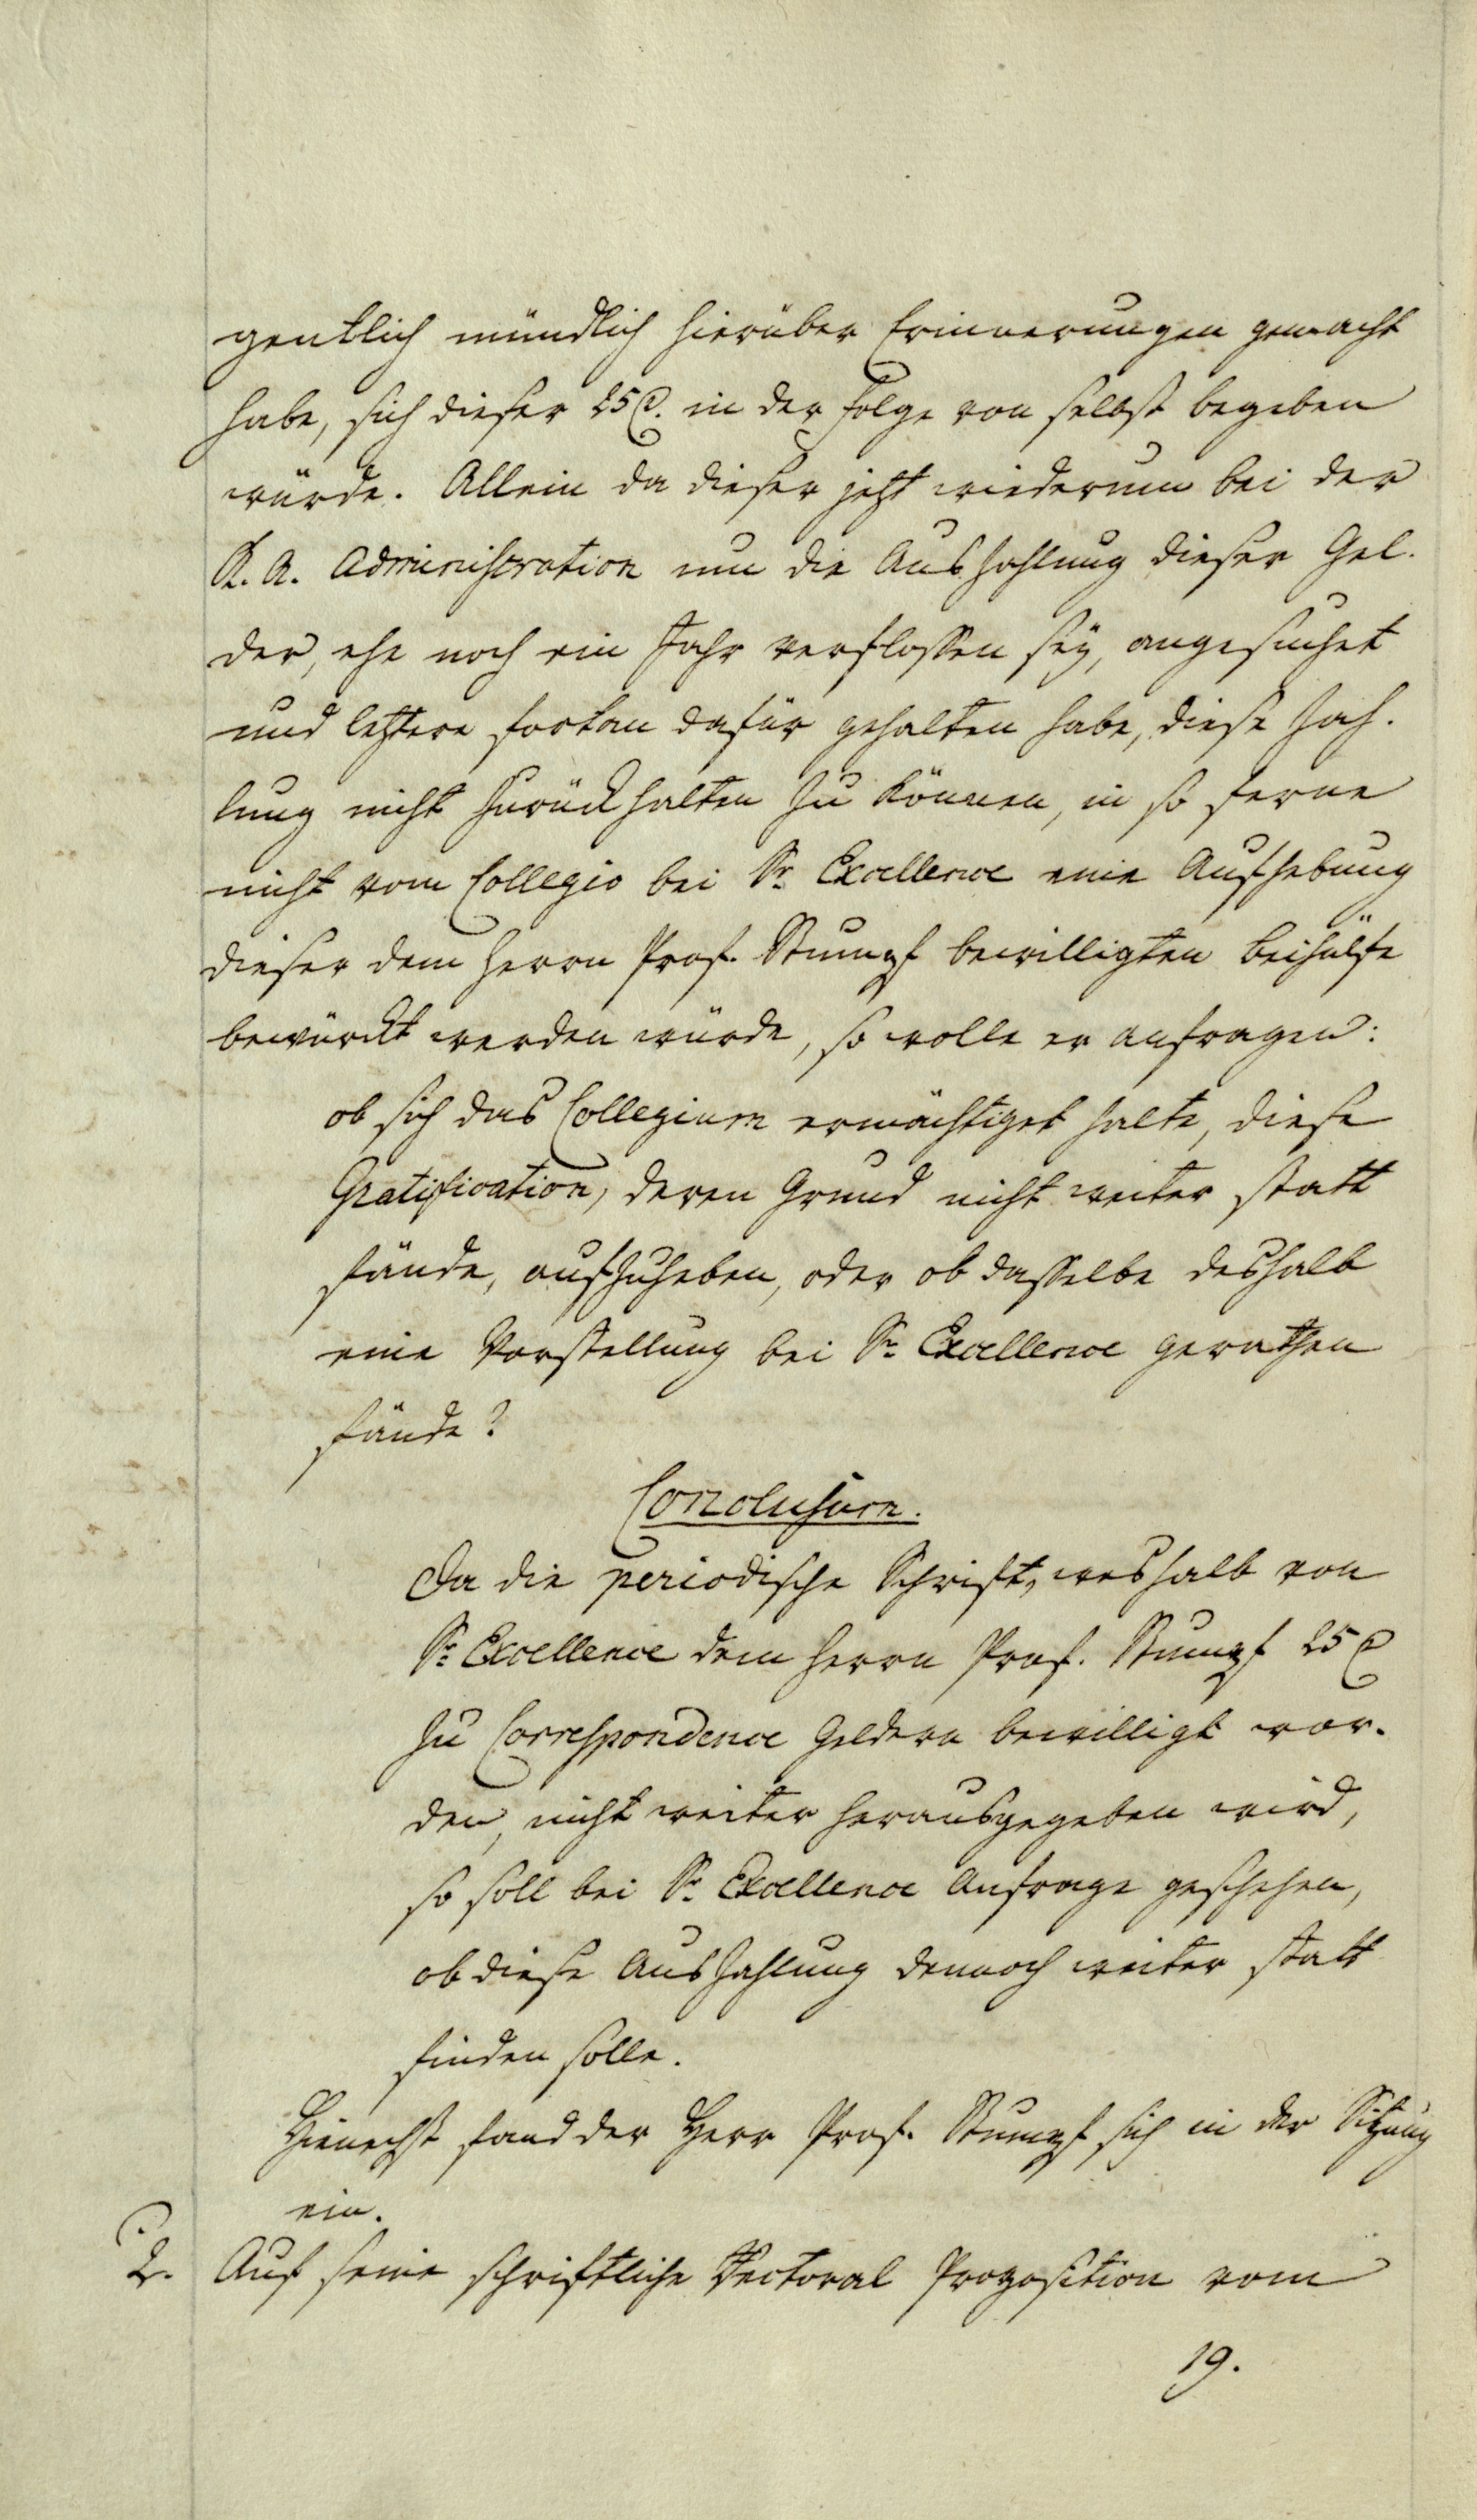gentlich mündlich hierüber Erinnerungen gemacht
habe, sich dieser 25 l. in der Folge von selbst begeben
würde. Allein da dieser jetzt wiederum bei der
K. A. Administration um die Auszahlung dieser Gel¬
der, ehe noch ein Jahr verflossen seÿ, angesuchet
und letztere fortan dafür gehalten habe, diese Zah¬
lung nicht zurückhalten zu können, in so ferne
nicht vom Collegio bei Sr Excellence eine Aufhebung
dieser dem Herrn Prof. Stumpf bewilligten Beihülfe
bewürckt werden würde, so wolle er anfragen:
ob sich das Collegium ermächtiget halte, diese
Gratification, deren Grund nicht weiter statt
fände, aufzuheben, oder ob dasselbe deshalb
eine Vorstellung bei Sr Excellence gerathen
fände?
Conclusum.
Da die periodische Schrift, weshalb von
Sr Excellence dem Herrn Prof. Stumpf 25 l.
zu Connspondence Geldern bewilligt wor¬
den nicht weiter herausgegeben wird,
so soll bei Sr Excellence Anfrage geschehen,
ob diese Auszahlung dennoch weiter statt
finden solle.
Hienechst fand der Herr Prof. Stumpf sich in der Sitzung
ein.
2. Auf seine schriftliche Rectoral Proposition vom
19.